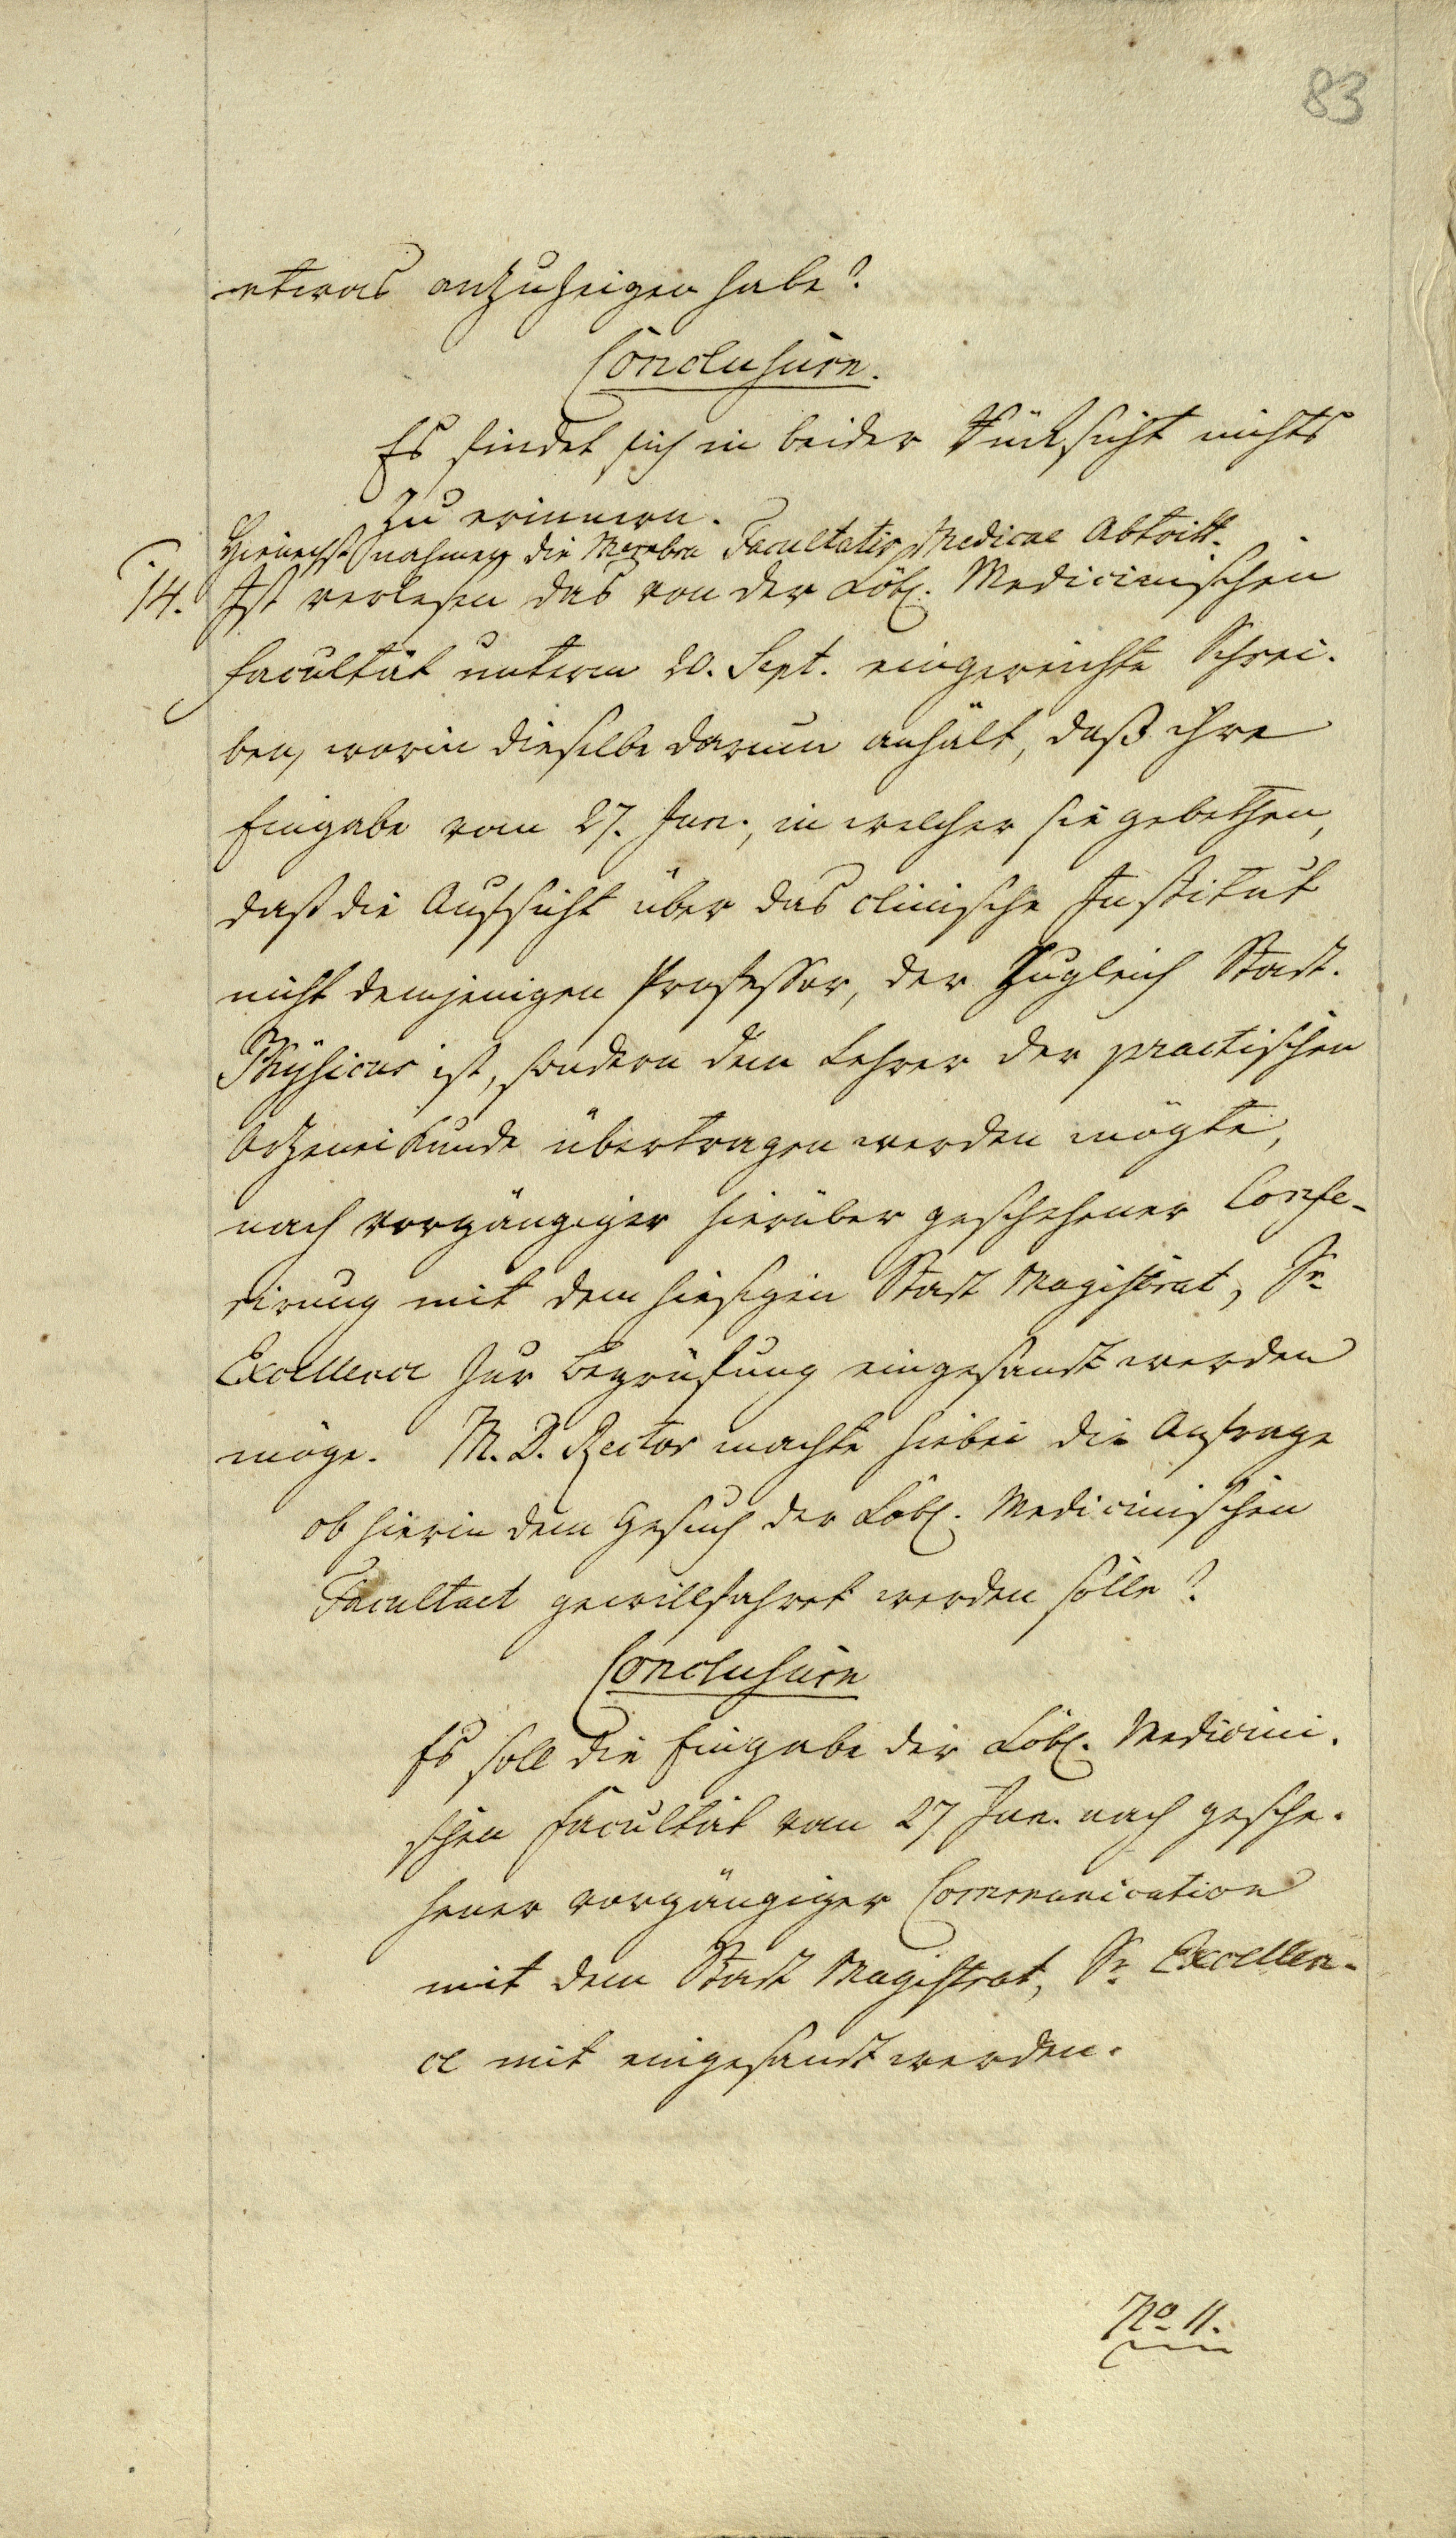etwas anzuzeigen habe?
Conclusum.
Es findet sich in beider Rücksicht nichts
in erinnern.
Hienechst nahmen die Membra Facultatis Medicae Abtritt.
14. Ist verlesen das von der Löbl. Medicinischen
Facultät unterm 20. Sept. eingereichte Schrei¬
ben, worin dieselbe darum anhält, daß ihre
Eingabe vom 27. Jun., in welcher sie gebethen,
daß die Aufsicht über das clinische Institut
nicht demjenigen Professor, der Zugleich Stadt¬
Phÿsicus ist, sondern dem Lehrer der practischen
Arzeneikunde übertragen werden mögte;
nach vorgängiger hierüber geschehener Confe¬
rirung mit dem hiesigen Stadt Magistrat, Sr
Excellence zur Beprüfung eingesandt werden
möge. M. D. Rector machte hiebei die Anfrage
ob hierin dem Gesuch der Löbl. Medicinischen
Facultaet gewillfahret werden solle?
Conclusum
Es soll die Eingabe der Löbl. Medicini¬
schen Facultät vom 27 Jun nach gesche¬
hener vorgängiger Communication
mit dem Stadt Magistrat, Sr Excellen¬
ce mit eingesandt werden.
No 11.